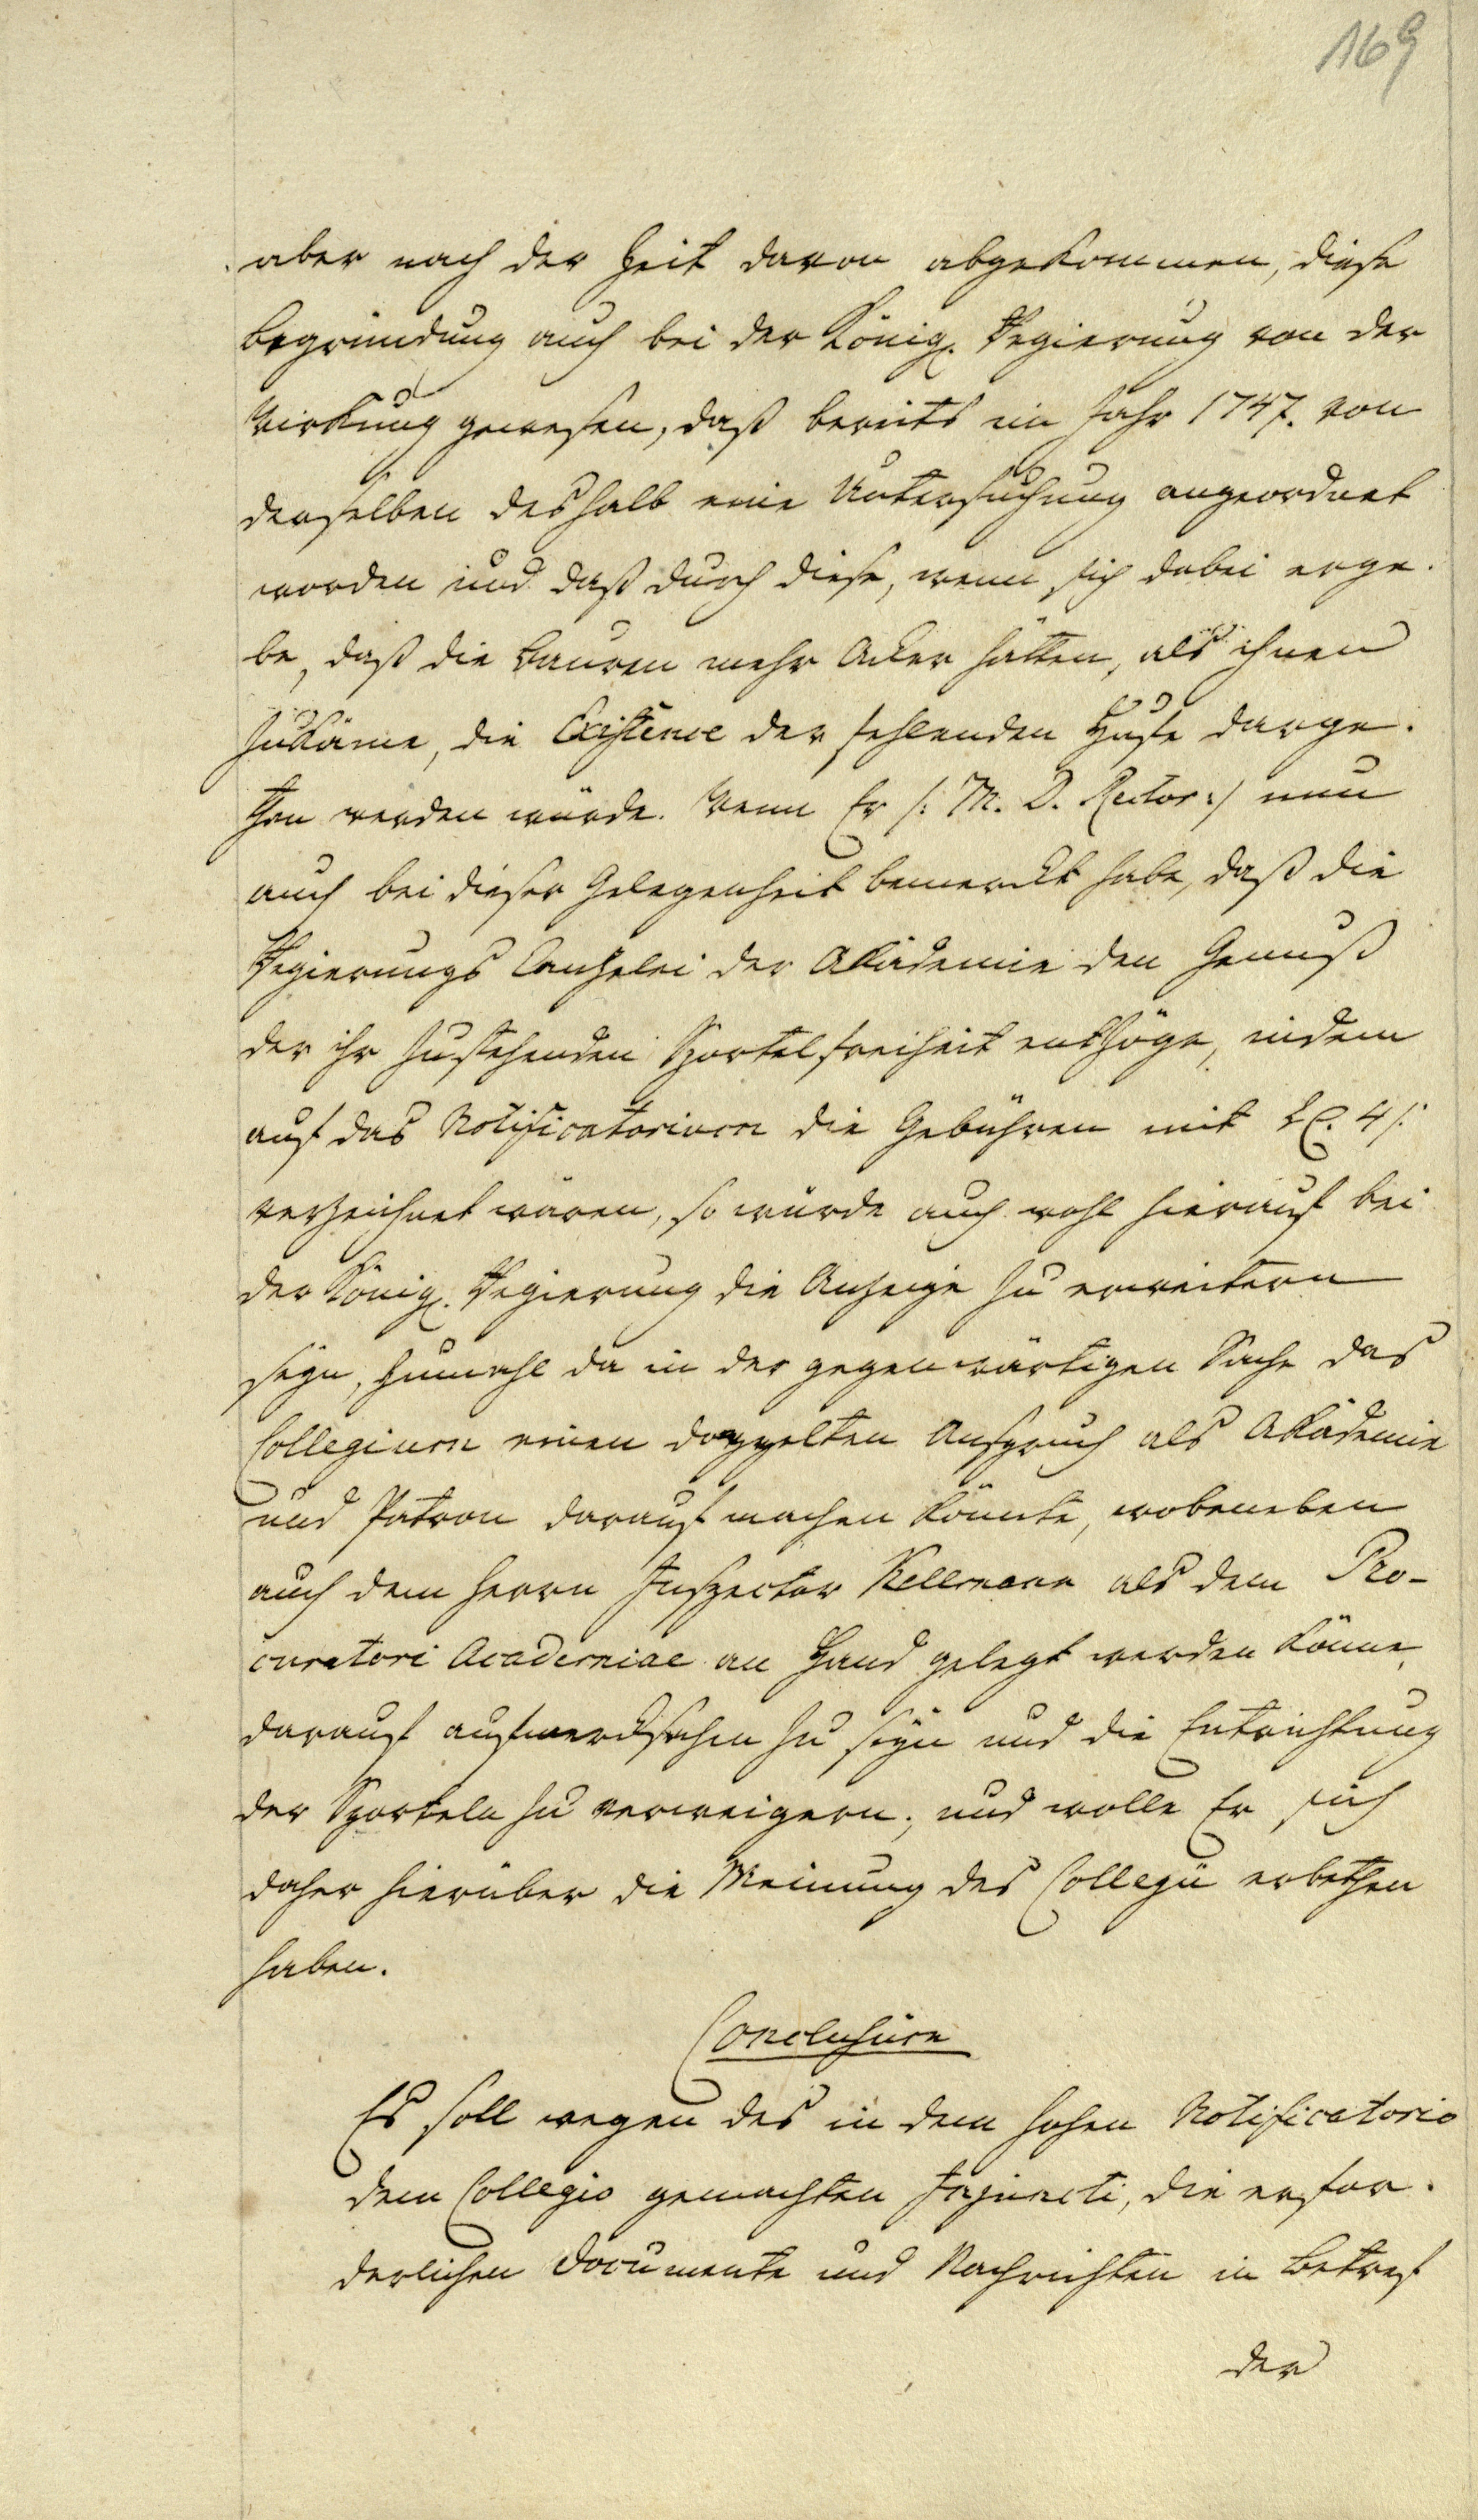aber nach der Zeit davon abgekommen, diese
Begründung auch bei der Königl. Regierung von der
Wirkung gewesen, daß bereits im Jahr 1747. von
derselben deshalb eine Untersuchung angeordnet
worden und daß durch diese, wenn sich dabei erge¬
be, daß die Bauren mehr Acker hätten, als ihnen
zukäme, die Existence der fehlenden Hufe darge¬
than werden würde. Wenn Er /. M. D. Rector :/ nun
auch bei dieser Gelegenheit bemerckt habe, daß die
Regierungs Canzelei der Akademie den Genuß
der ihr zustehenden Sportelfreiheit entzöge, indem
auf das Notificatorium die Gebühren mit 2 l. 4 s.
verzeichnet wären, so würde auch wohl hierauf bei
der Königl. Regierung die Anzeige zu erweitern
seÿn, zumahl da in der gegenwärtigen Sache das
Collegium einen doppelten Anspruch als Akademie
und Patron darauf machen könnte, wobeneben
auch dem Herrn Inspector Kellmann als dem Pro¬
curatori Academiae an Hand gelegt werden könne,
darauf aufmercksahm zu seÿn und die Entrichtung
der Sporteln zu verweigern; und wolle Er sich
daher hierüber die Meinung des Collegii erbethen
haben.
Conclusum
Es soll wegen des in dem hohen Notificatorio
dem Collegio gemachten Injuncti, die erfor¬
derlichen Documente und Nachrichten in Betref
der